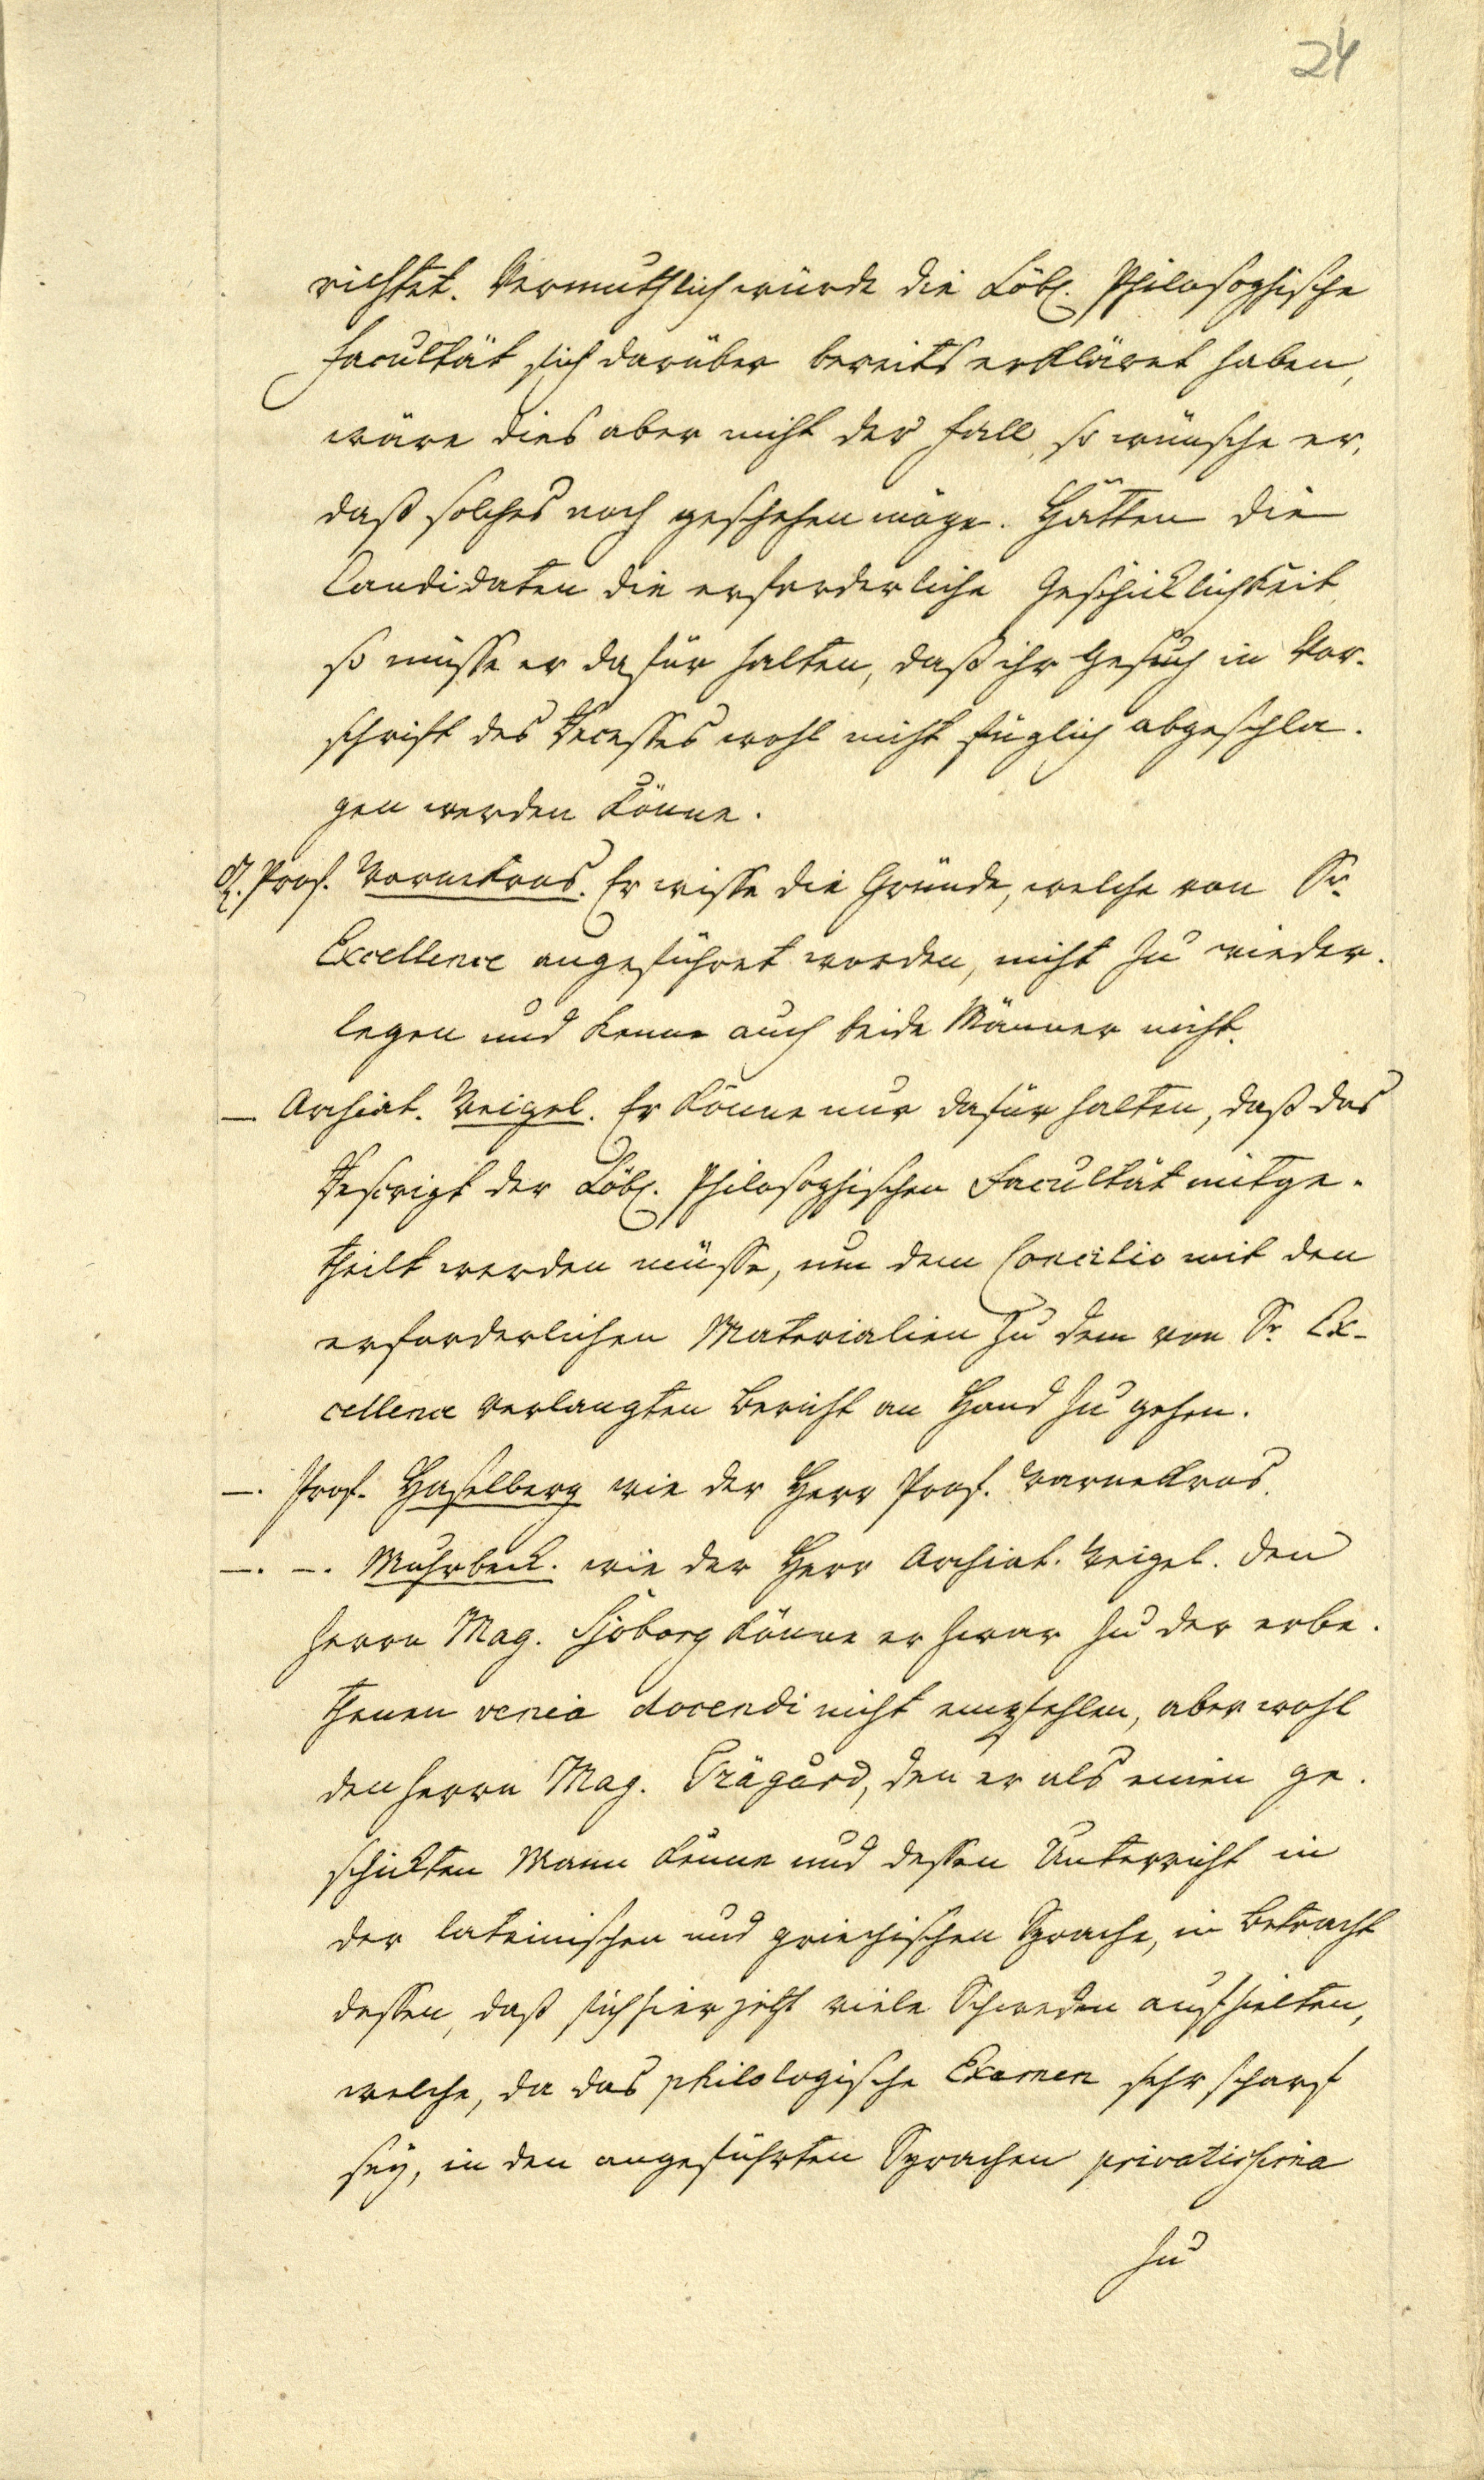richtet. Vermuthlich würde die Löbl. Philosophische
Facultät sich darüber bereits erkläret haben,
wäre dies aber nicht der Fall, so wünsche er,
daß solches noch geschehen möge. Hätten die
Candidaten die erforderliche Geschicklichkeit
so müsse er dafür halten, daß ihr Gesuch in Vor¬
schrift des Recesses wohl nicht füglich abgeschla¬
gen werden könne.
dh. Prof. Warnekros. Er wisse die Gründe, welche von Sr.
Excellence angeführet worden, nicht zu wieder¬
legen und kenne auch beide Männer nicht.
Archiat. Weigel. Er könne nur dafür halten, daß das
Rescript der Löbl. Philosophischen Facultät mitge¬
theilt werden müsse, um dem Concilio mit den
erforderlichen Materialien zu dem von Sr. Ex¬
cellence verlangten Bericht an Hand zu gehen.
Prof. Haselberg wie der Herr Prof. Warnekros.
Muhrbeck. wie der Herr Archiat. Weigel. Den
herrn Mag. Sjöborg könne er zwar zu der erbe¬
thenen venia docendi nicht empfehlen, aber wohl
den herrn Mag. Trägård, den er als einen ge¬
schickten Mann kenne und dessen Unterricht in
der lateinischen und griechischen Sprache, in Betracht
dessen, daß sich hier jetzt viele Schweden aufhielten,
welche, da das philosophische Examen sehr scharf
seÿ, in den angeführten Sprachen privatissima
zu